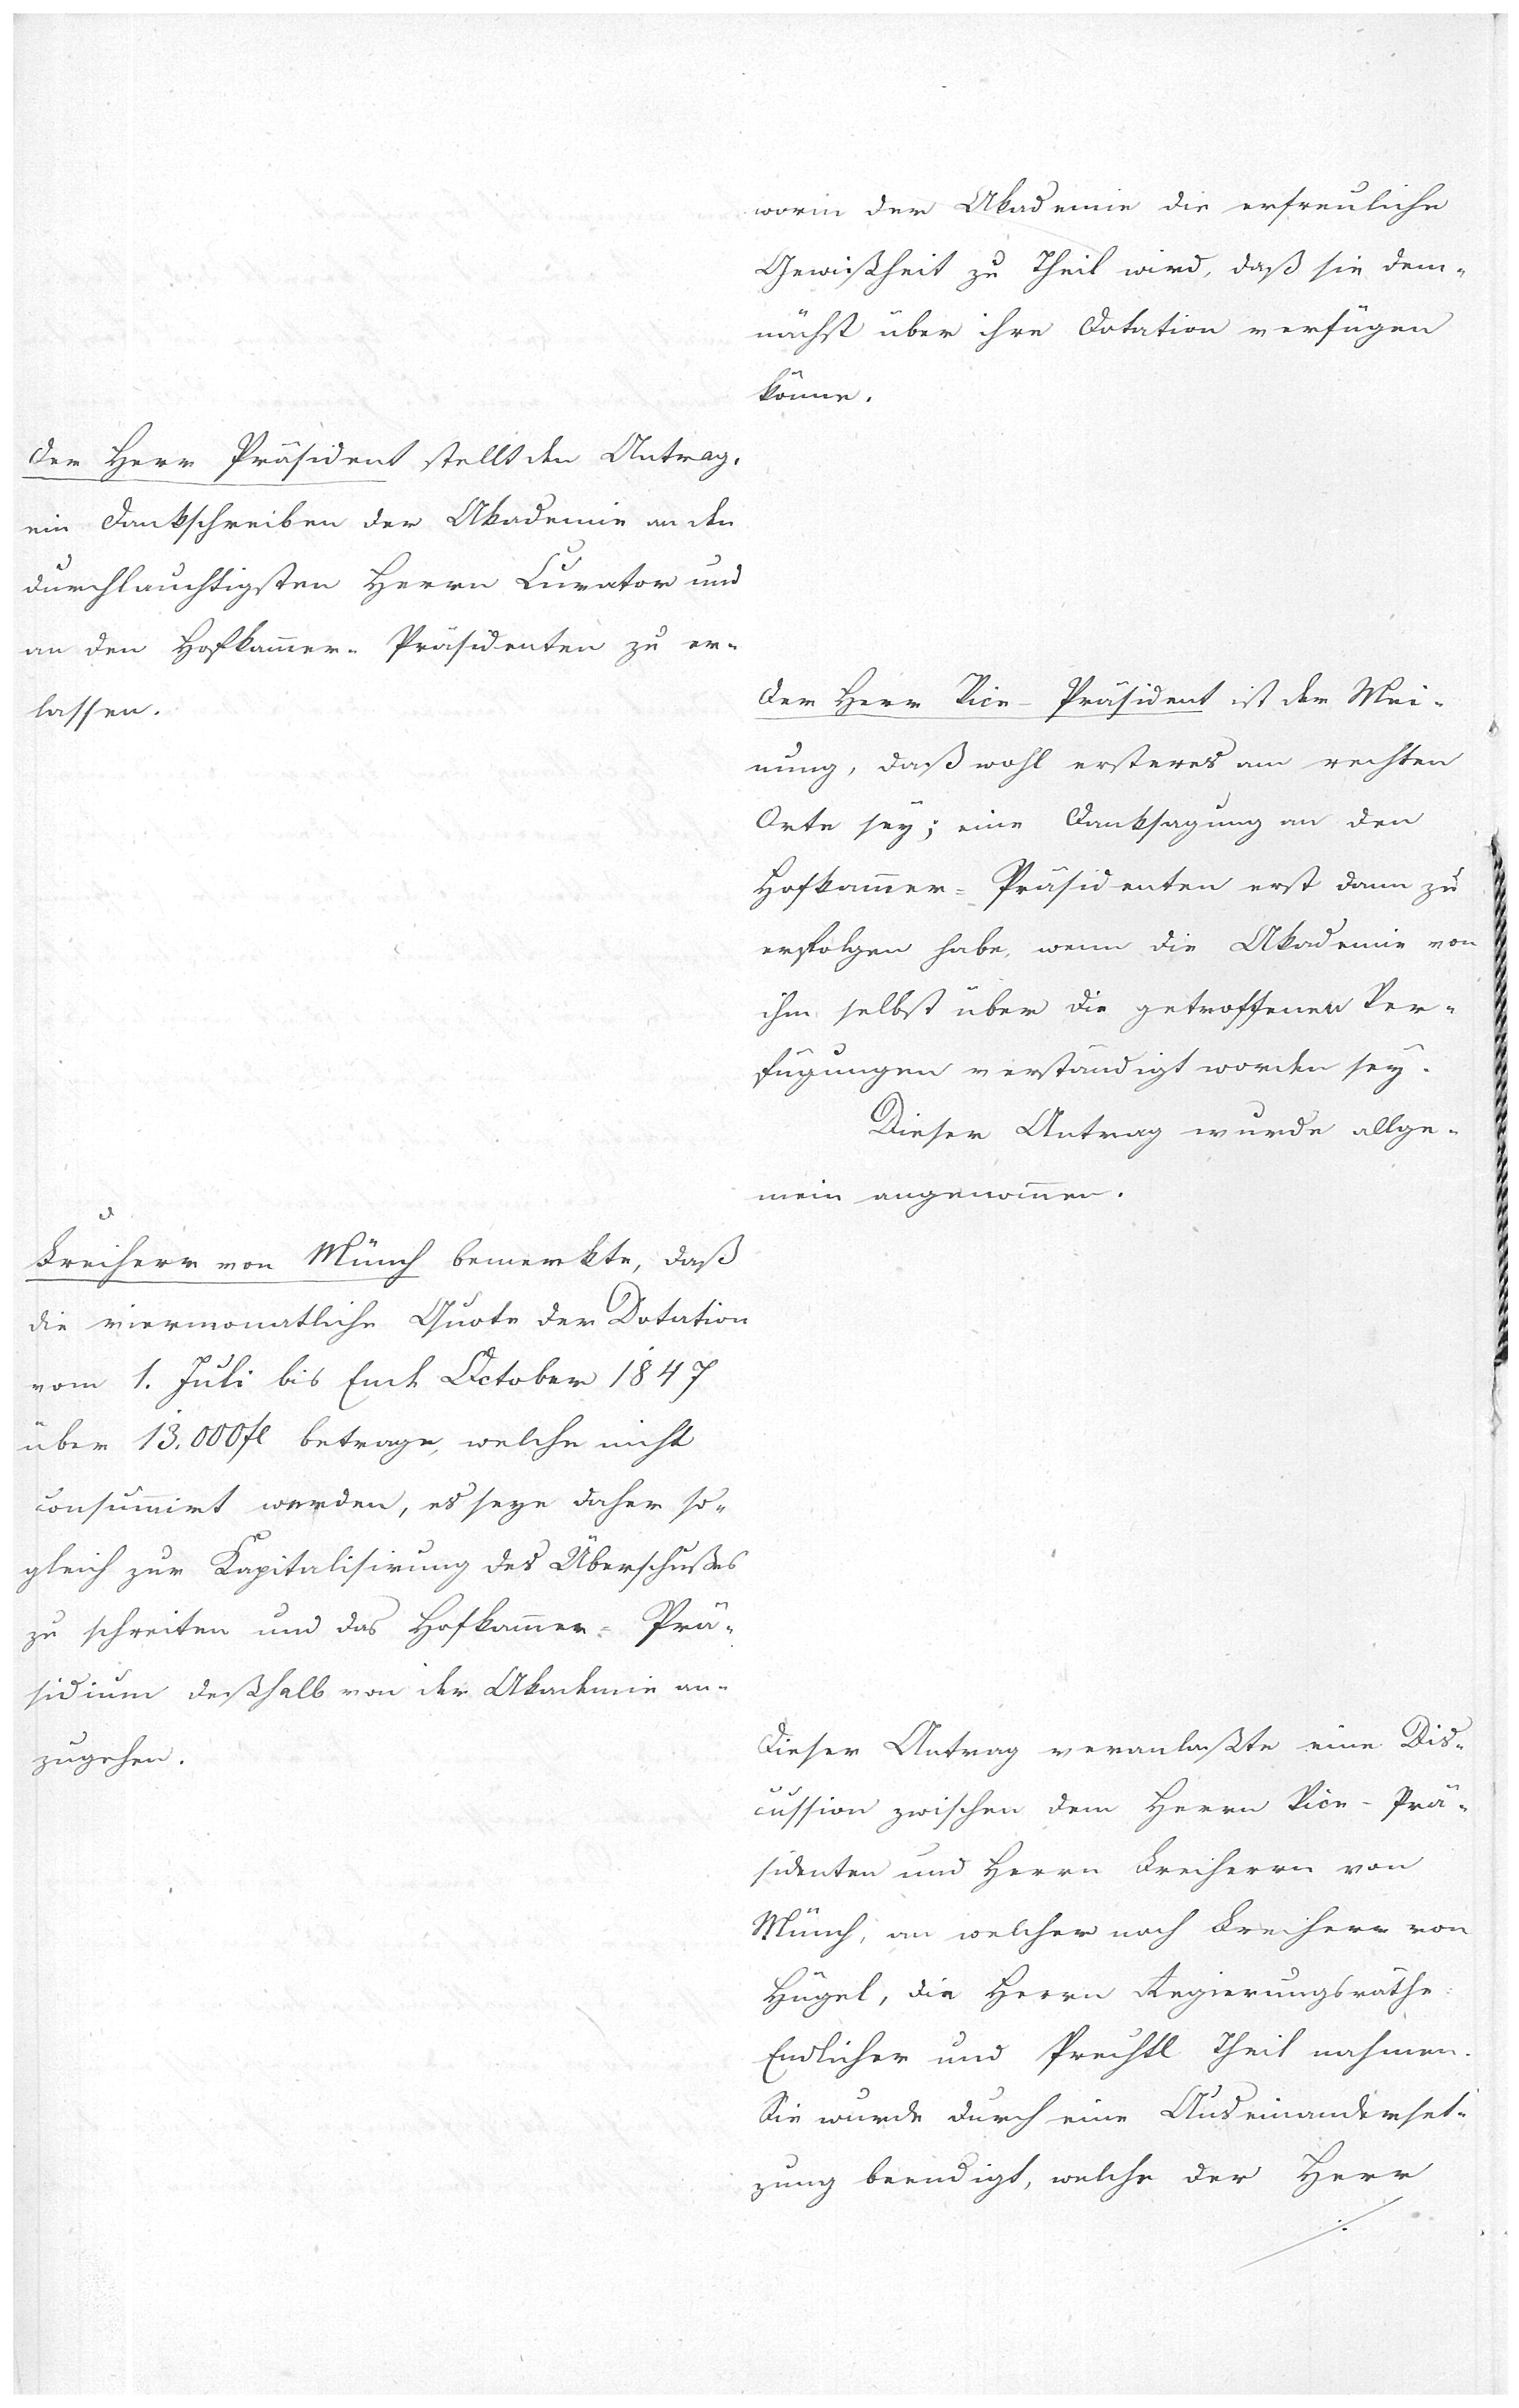worin der Akademie die erfreuliche
Gewißheit zu Theil wird, daß sie dem-
nächst über ihre Dotation verfügen
könne.
Der Herr Präsident stellt den Antrag,
ein Dankschreiben der Akademie an den
durchlauchtigsten Herrn Curator und
an den Hofkammer-Präsidenten zu er-
lassen
Freiherr von Münch bemerkte, daß
die viermonatliche Quote der Dotation
vom 1. Juli bis Ende October 1847
über 13.000 fl betrage, welche nicht
consumirt worden, es seye daher so-
gleich zur Kapitalisierung des Überschußes
zu schreiten und das Hofkammer-Prä-
sidium deßhalb von der Akademie an-
zugehen.
Dieser Antrag veranlaßte eine Dis-
cussion zwischen dem Herrn Vice-Prä-
sidenten und Herrn Freiherrn von
Münch, an welcher noch Freiherr von
Hügel, die Herrn Regierungsräteh
Endlicher und Prechtl Theil nahmen.
Sie wurde durch eine Auseinanderset-
zung beendigt, welche der Herr
Der Herr Vice-Präsident ist der Mei-
nun, daß wohl ersterers am rechten
Orte sey; eine Danksagung an den
Hofkammer-Präsidenten erst dann zu
erfolgen habe, wenn die Akademie von
ihm selbst über die getroffenen Ver-
fügungen verständigt worden sey.
Dieser Antrag wurde allge-
mein angenommen.